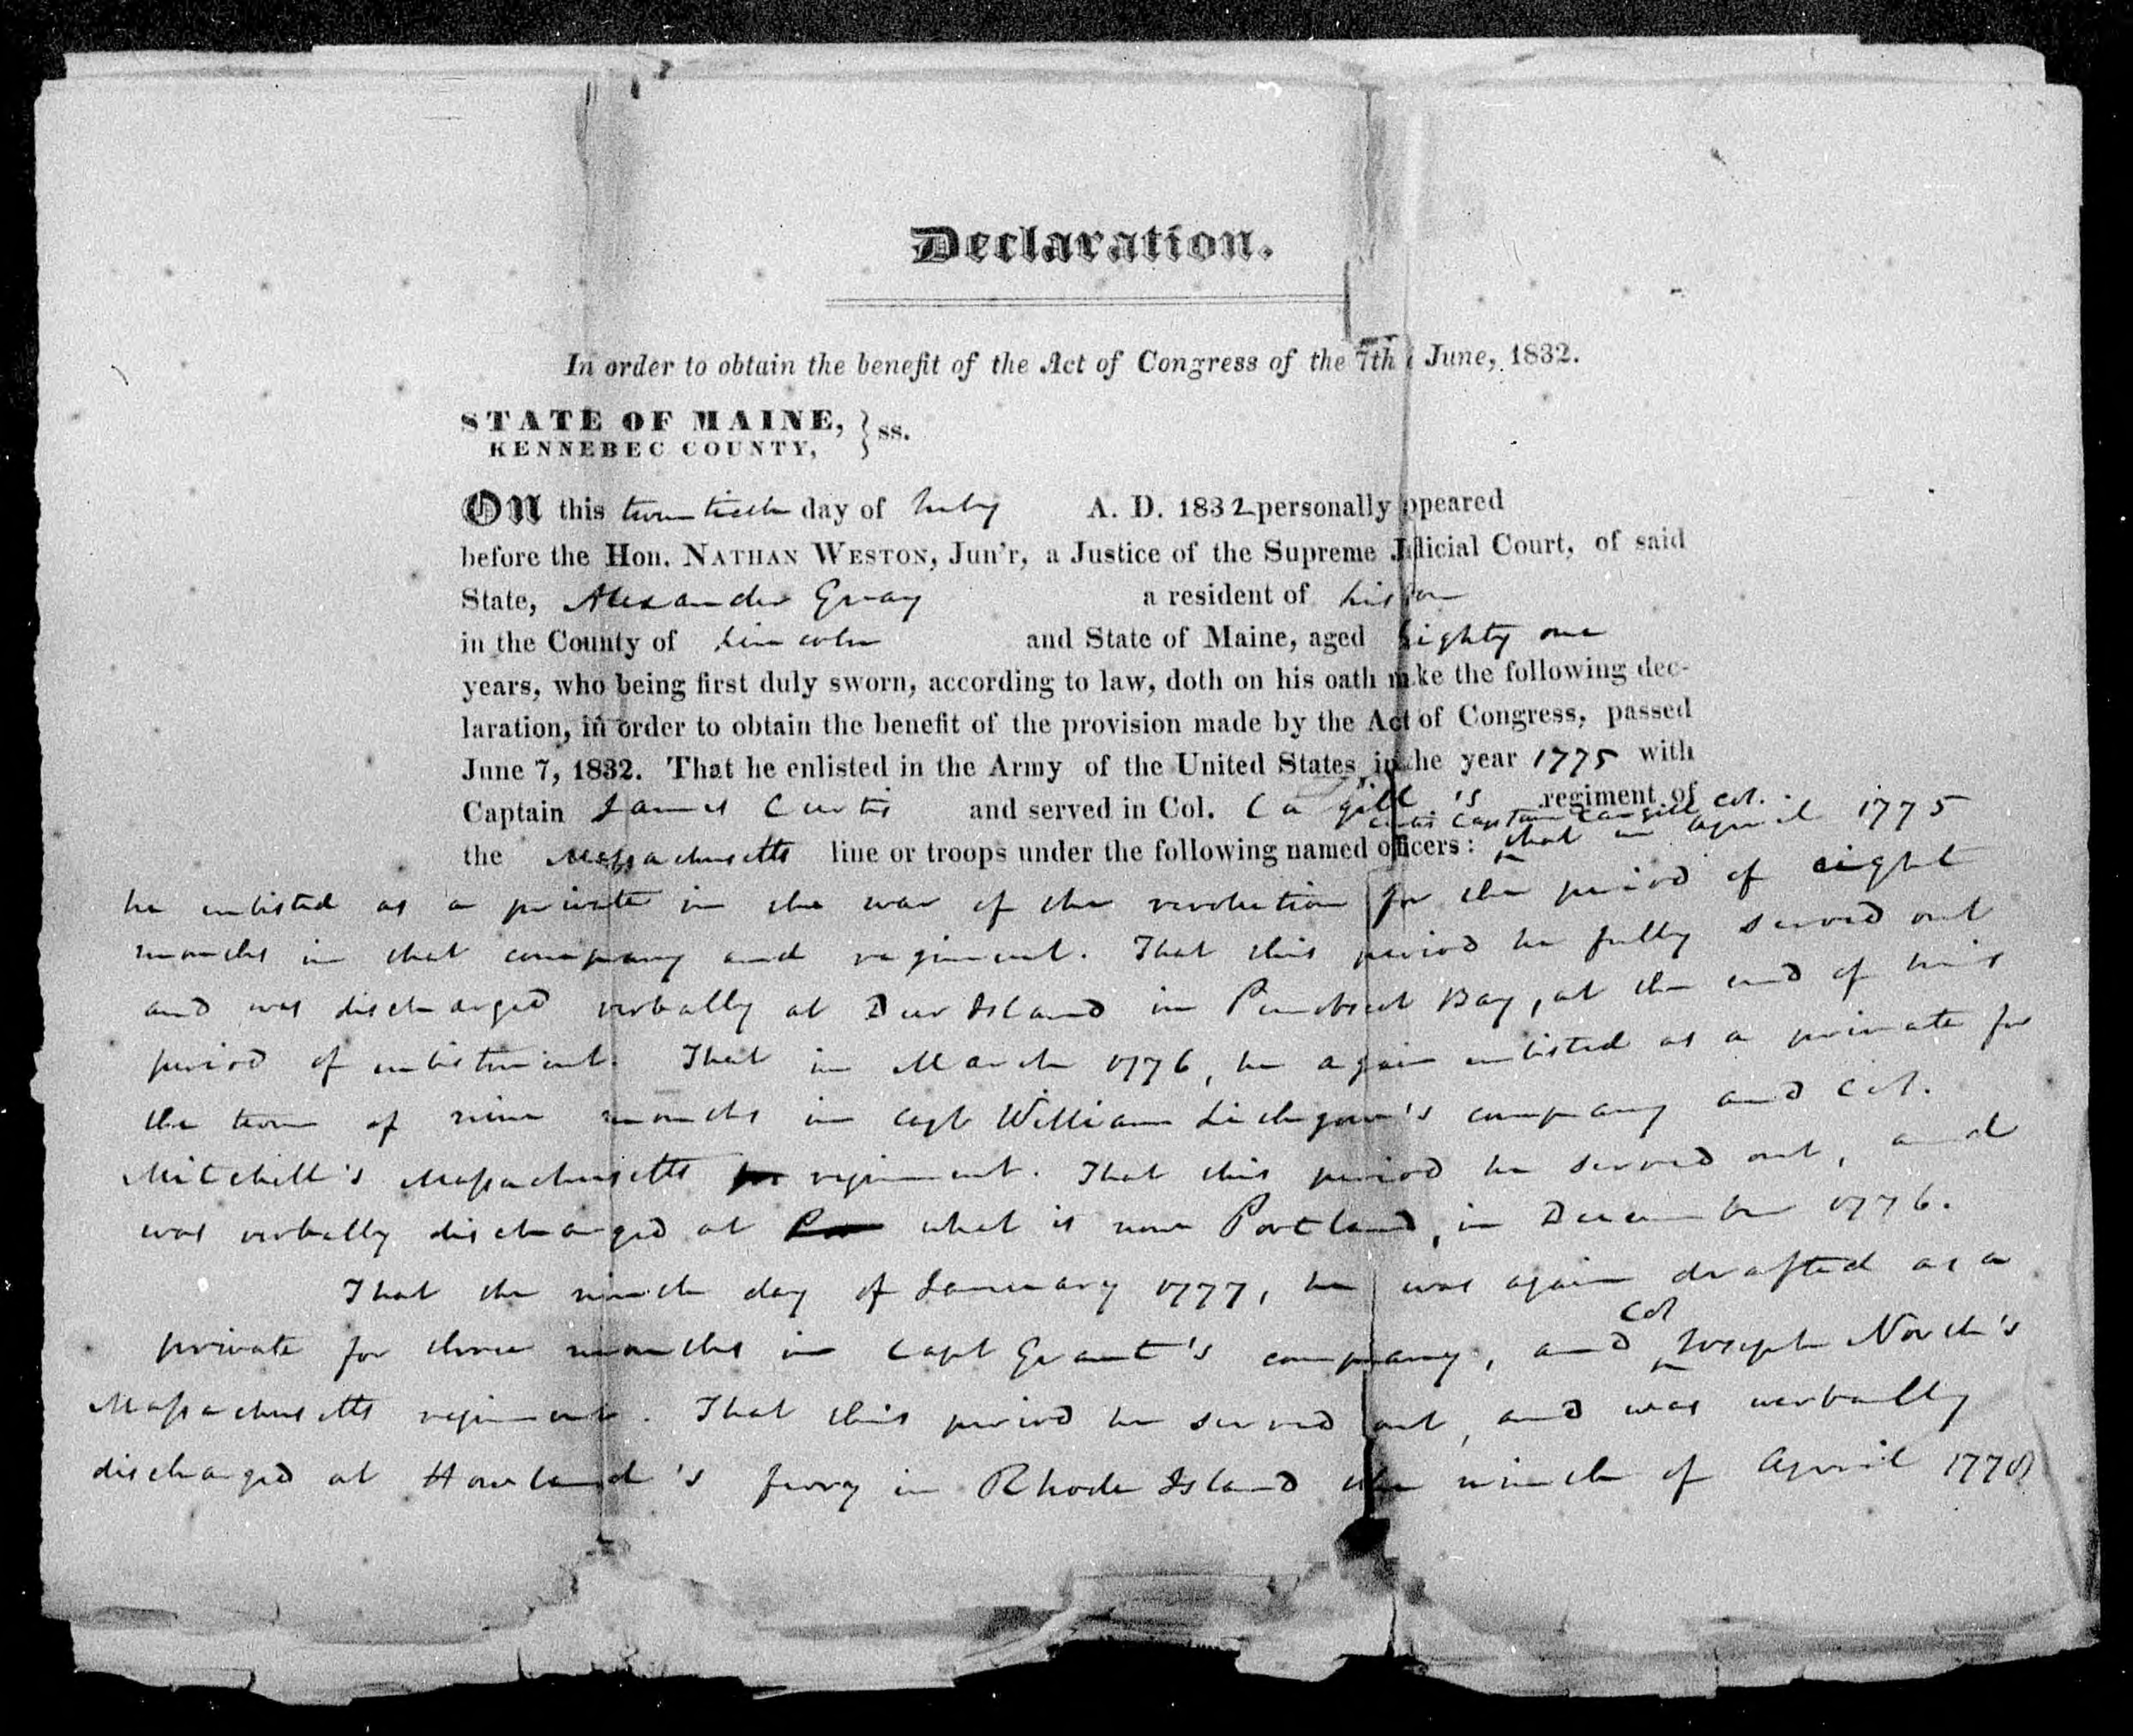Declaration,
In order to obtain the benefit of the Act of Congress of the 7th June, 1832.
STATE OF MAINE,
KENNEBEC COUNTY,
On this twentieth day of July A.D. 1832 personally appeared
before the Hon. NATHAN WESTON, Jun'r, a Justice of the Supreme Judicial Court, of said
State, Alexander Gray a resident of Lisbon
in the County of Lincoln and State of Maine, aged Eighty one
years, who being first duly sworn, according to law, doth on his oath make the following 
declaration, in order to obtain the benefit of the provision made by the Act of Congress, passed
June 7, 1832. That he enlisted in the Army of the United States in the year 1775 with
Captain James Curtis and served in Col. Cargill's regiment of
the Massachusetts line or troops under the following named officers: 
Curtis Catain Cargill Col. 
that in April 1775
he enlisted as a private in the war of the revolution for the period of eight
months in that company and regiment. That this period he fully served out
and was discharged verbally at our Island in Penobscot Bay, at the end of
period of inlistment. That in March 1776, he again enlisted as a private for 
the term of nine months in Capt William Lithgow's company and Col.
Mitchell's Massachusetts regiment. That this period he served out and
was verbally discharged at what is now Portland, in December 1776.
That the ninth day of January 1777, he was again drafted as a 
private for three months in Capt Grant's company, and Col Joseph North's 
Massachusetts regiment. That this period he served out and was verbally
discharged at Howland's Ferry in Rhode Island the ninth of April 1770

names: Cargill, James Curtis, Nathan Weston, Alexander Gray, Joseph North, Cargill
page: 11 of 13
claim: survivor's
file: S. 18845, Alexander Gray, Mass.